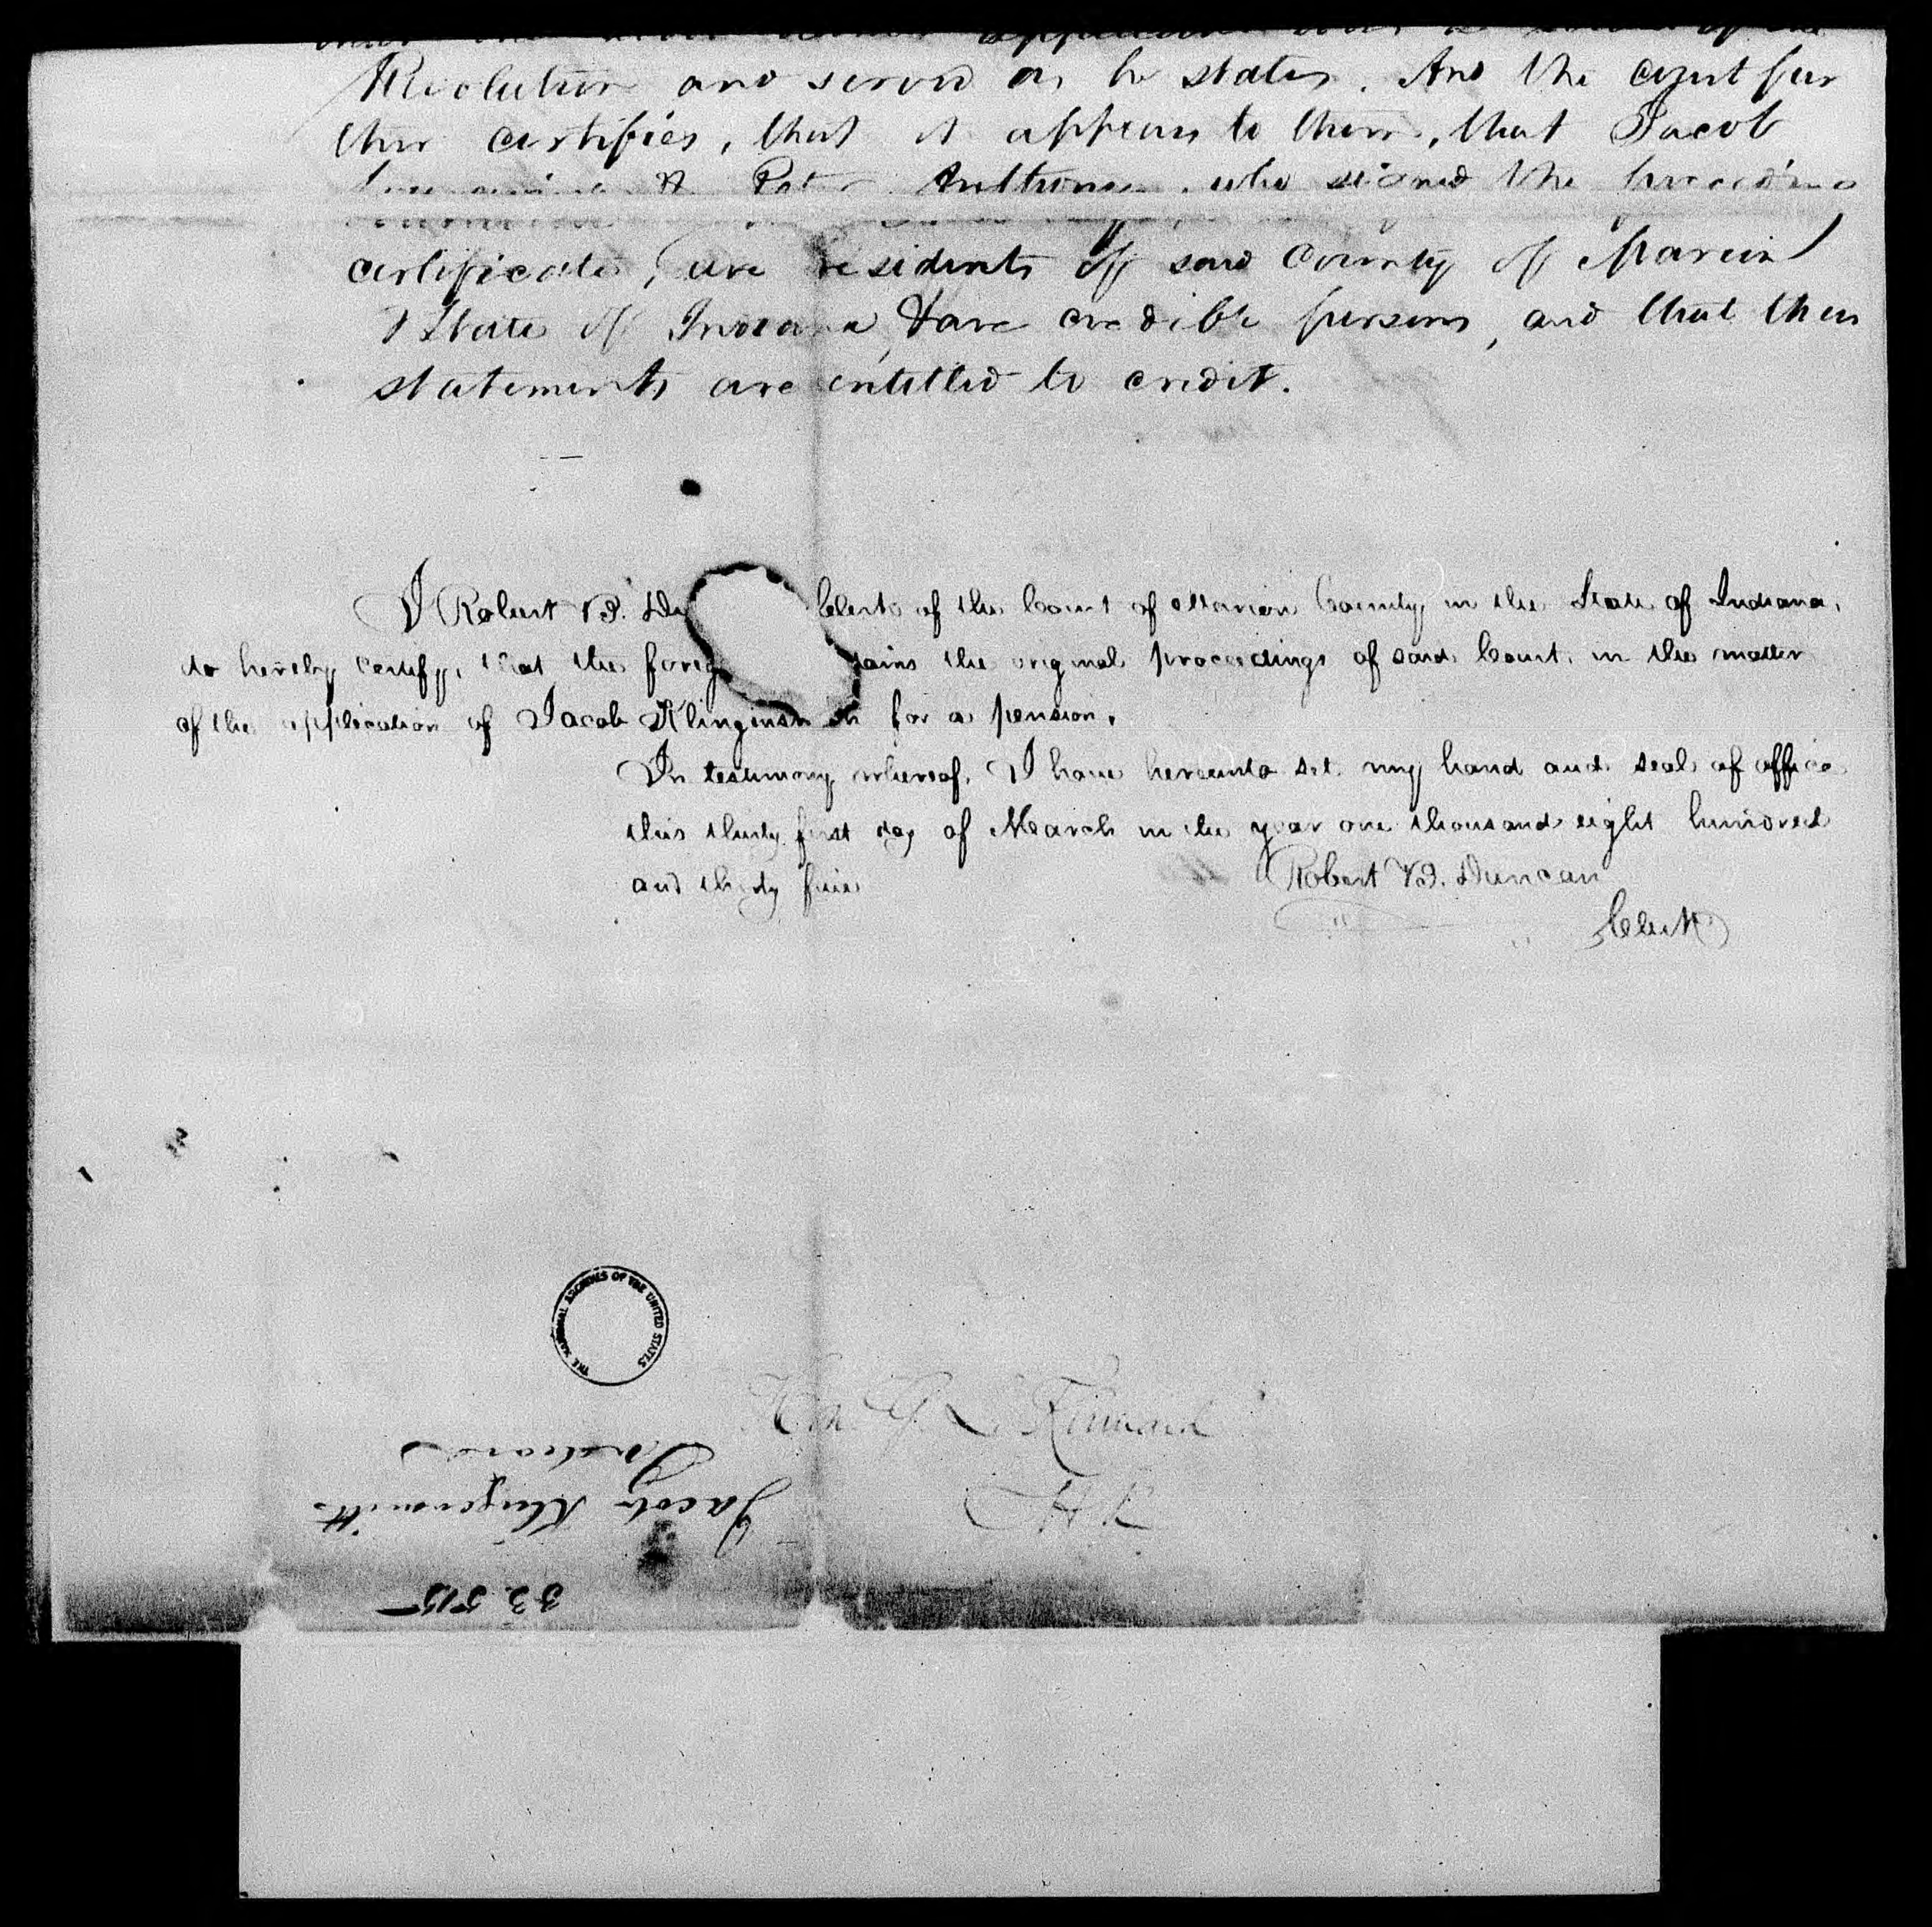Revolution and served as he states. And the court further certifies, that it appears to them, that Jacob Sourwine & Peter Anthony, who signed the proceeding certificate , are residents of said county of Marein & State of Indiana, & are credible persons, that their statements are entitled to credit. 

I Robert B. D [illegible] Clerk of the Court of Marien County in the State of Indiana, do hereby certify, that the foreg[illegible]  aims the original proceedings of said Court, in the matter  of the application of Jacob Klinginsmith for a pension.

In testimony whereof, I have hereunto set my hand and seal of office this thirty first day of March in the year one thousand eight hundred and thirty five. 

Robert B. Duncan
Clerk
 [Circular stamp which reads The National illegible of the United States]]

Hon. G. L. Kinnard
H R

33515 

Jacob Klingensmith 
Pennsylvania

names: Peter Anthony; G L Kinnard; Jacob Sourwine; Jacob Klinginsmith; Robert B Duncan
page: 14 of 14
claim: rejected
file: R. 6005, for Jacob Klinginsmith, Pennsylvania